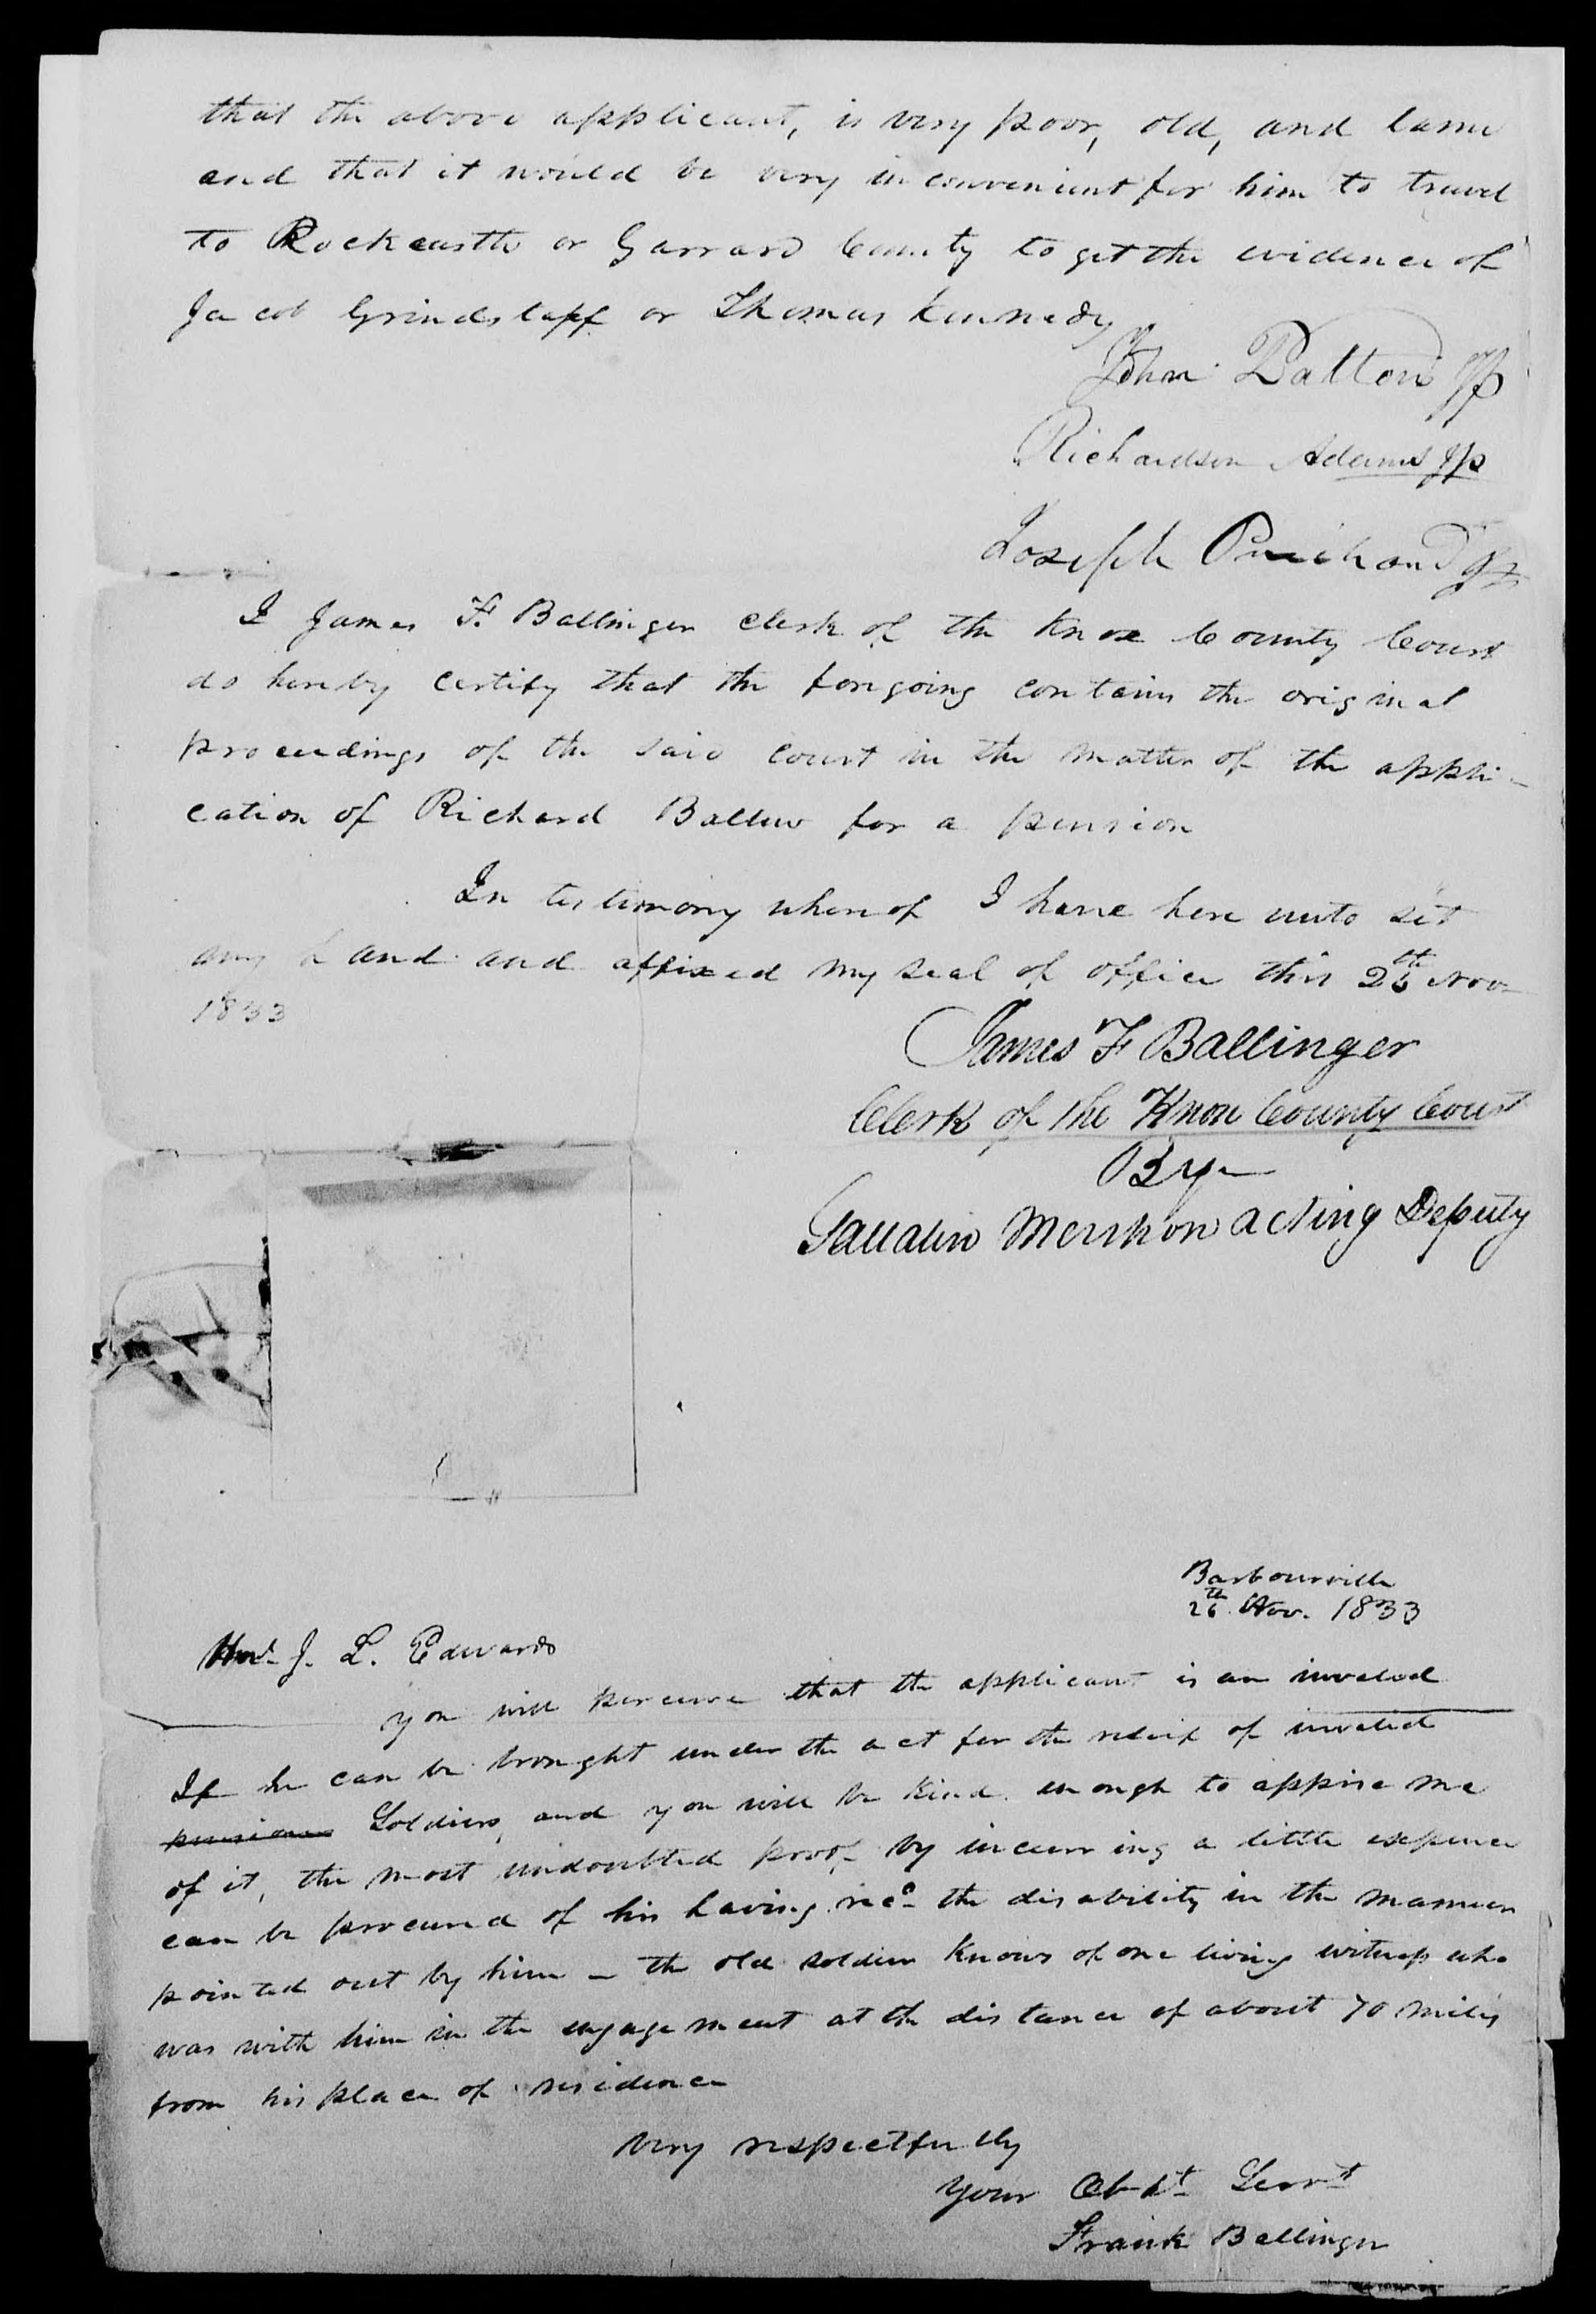that the above applicant, is very poor, old, and lame and
that it would be very inconvenient for him to travel to
Rock[illegible] or Garrard County to get the evidence of
Jacob Grindstaff or Thomas Kennedy.
(signature of John Patten)Jp
(signature of Richardson Adams) JP
(signature of Joseph P[illegible] JP

I James F. Ballinger clerk of the Knox County Court
do hereby certify that the foregoing contains the original
proceedings of the said court in the matter of the application 
of Richard Ballew for a pension.
In testimony whereof I have hereunto set my hand and
affixed my seal of office this 25th Nov. 1833.
(signature of James F Ballinger)
Clerk of the Knox County Court
By
Gaualin Mershon acting Deputy

Barbourville
26th Nov. 1833

Hon. J. L., Edwards
You will perceive that the applicant is an invalid.
If he can be brought under the act for the relief of invalid
Soldiers, and you will be kind enough to apprise me of
it, the most undoubted proof by incurring a little [illegible]
can be procured of his having [illegible] the disability in the manner pointed out by him--the old soldier knows of one 
living witness who was with him in the engagement as the distance of about 70 miles from his place of residence.
Very respectfully
Your obt. Sevt.
Frank Bellinger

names: James F Ballinger, Frank Ballinger, Richard Ballew, John Patton, Joseph Pritchard, Richardson Adams, James F Ballinger, J L Edwards, Thomas Kennedy, Jacob Grindstaff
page: 11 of 33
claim: survivor's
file: S. 15305, Richard Ballew, N.C.